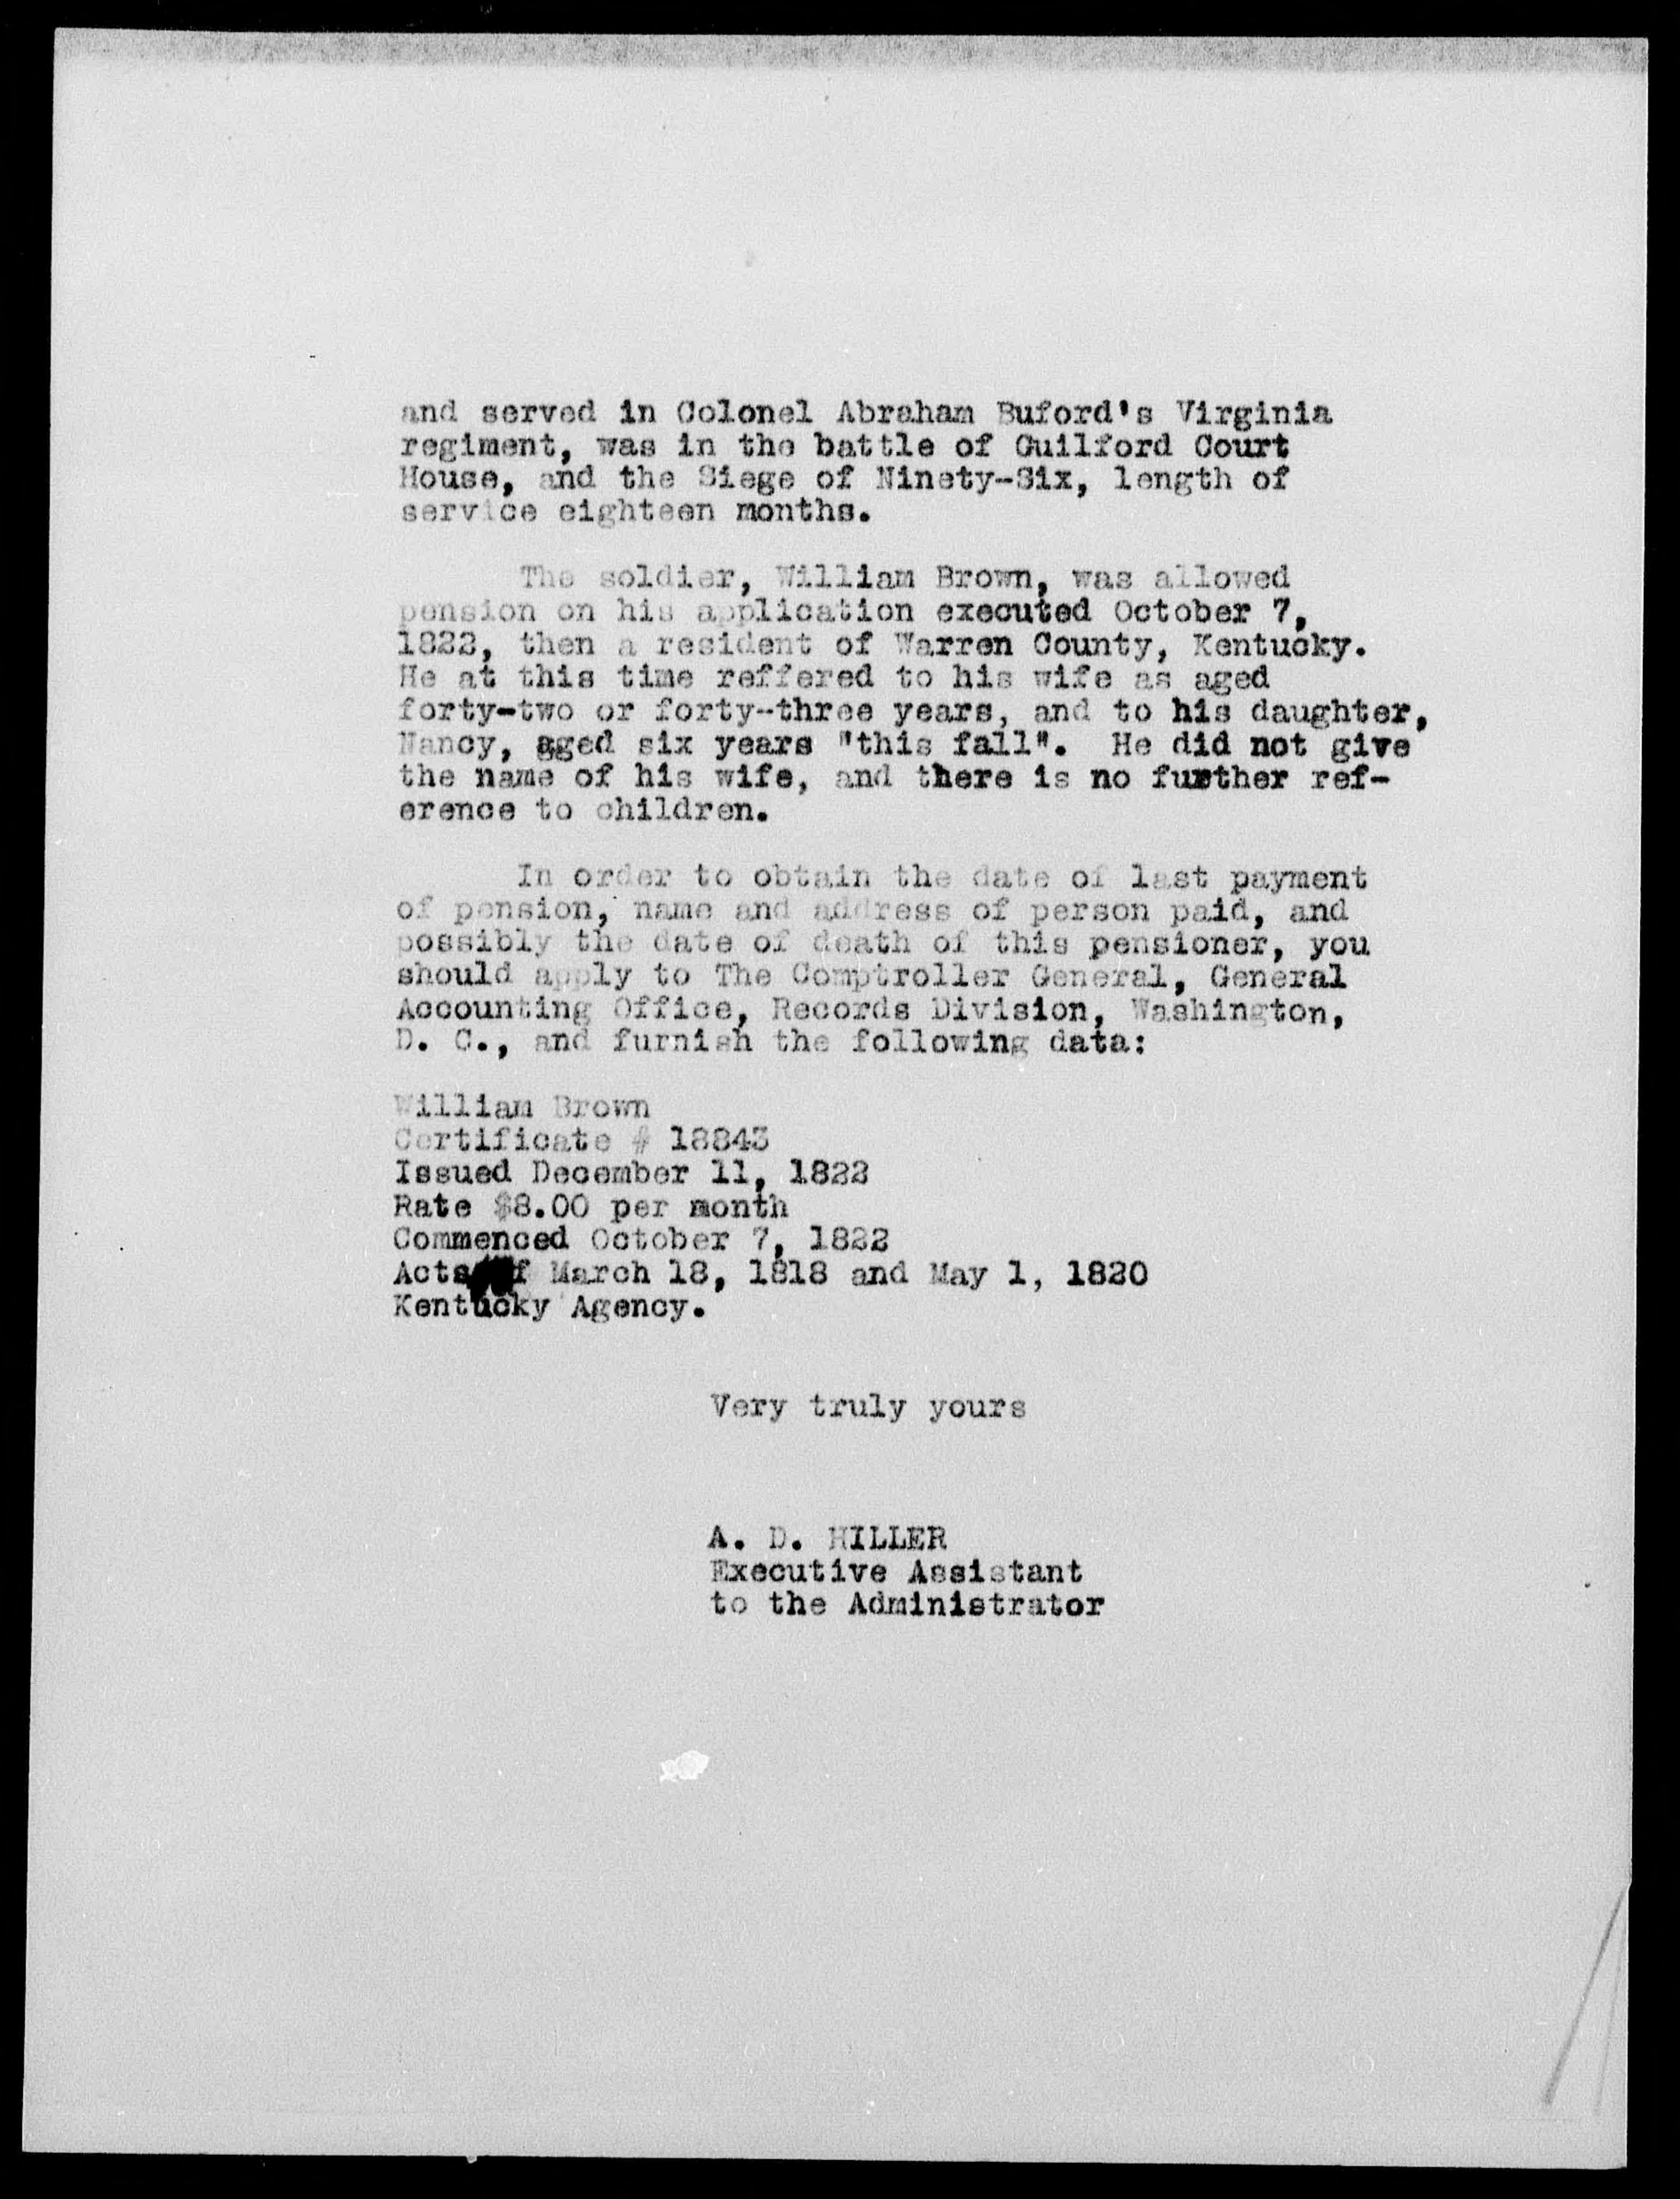and served in Colonel Abraham Buford's Virginia
regiment, was in the battle of Guilford Court
House, and the Siege of Ninety-Six, length of
service eighteen months.

The soldier, William Brown, was allowed
pension on his application executed October 7,
1822, then a resident of Warren County, Kentucky.
He at this time reffered to his wife as aged
forty-two or forty-three years, and to his daughter,
Nancy, aged six year "this fall". He did not give
the name of his wife, and there is no further reference
to children.

In order to obtain the date of last payment
of pension, name and address of person paid, and
possibly the date of death of this pensioner, you
should apply to The Comptroller General, General
Accounting Office, Records Division, General
D. C., and furnish the following data:

William Brown
Certificate #18843
Issued December 11, 1822
Rate $8.00 per month
Commenced October 7, 1822
Act of March 18, 1818 and May 1, 1820
Kentucky Agency.

Very truly yours

A. D. Hiller
Executive Assistant
to the Administrator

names: William Brown, A D Hiller, William Brown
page: 8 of 21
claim: survivor's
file: S. 35,788, William Brown, Va.